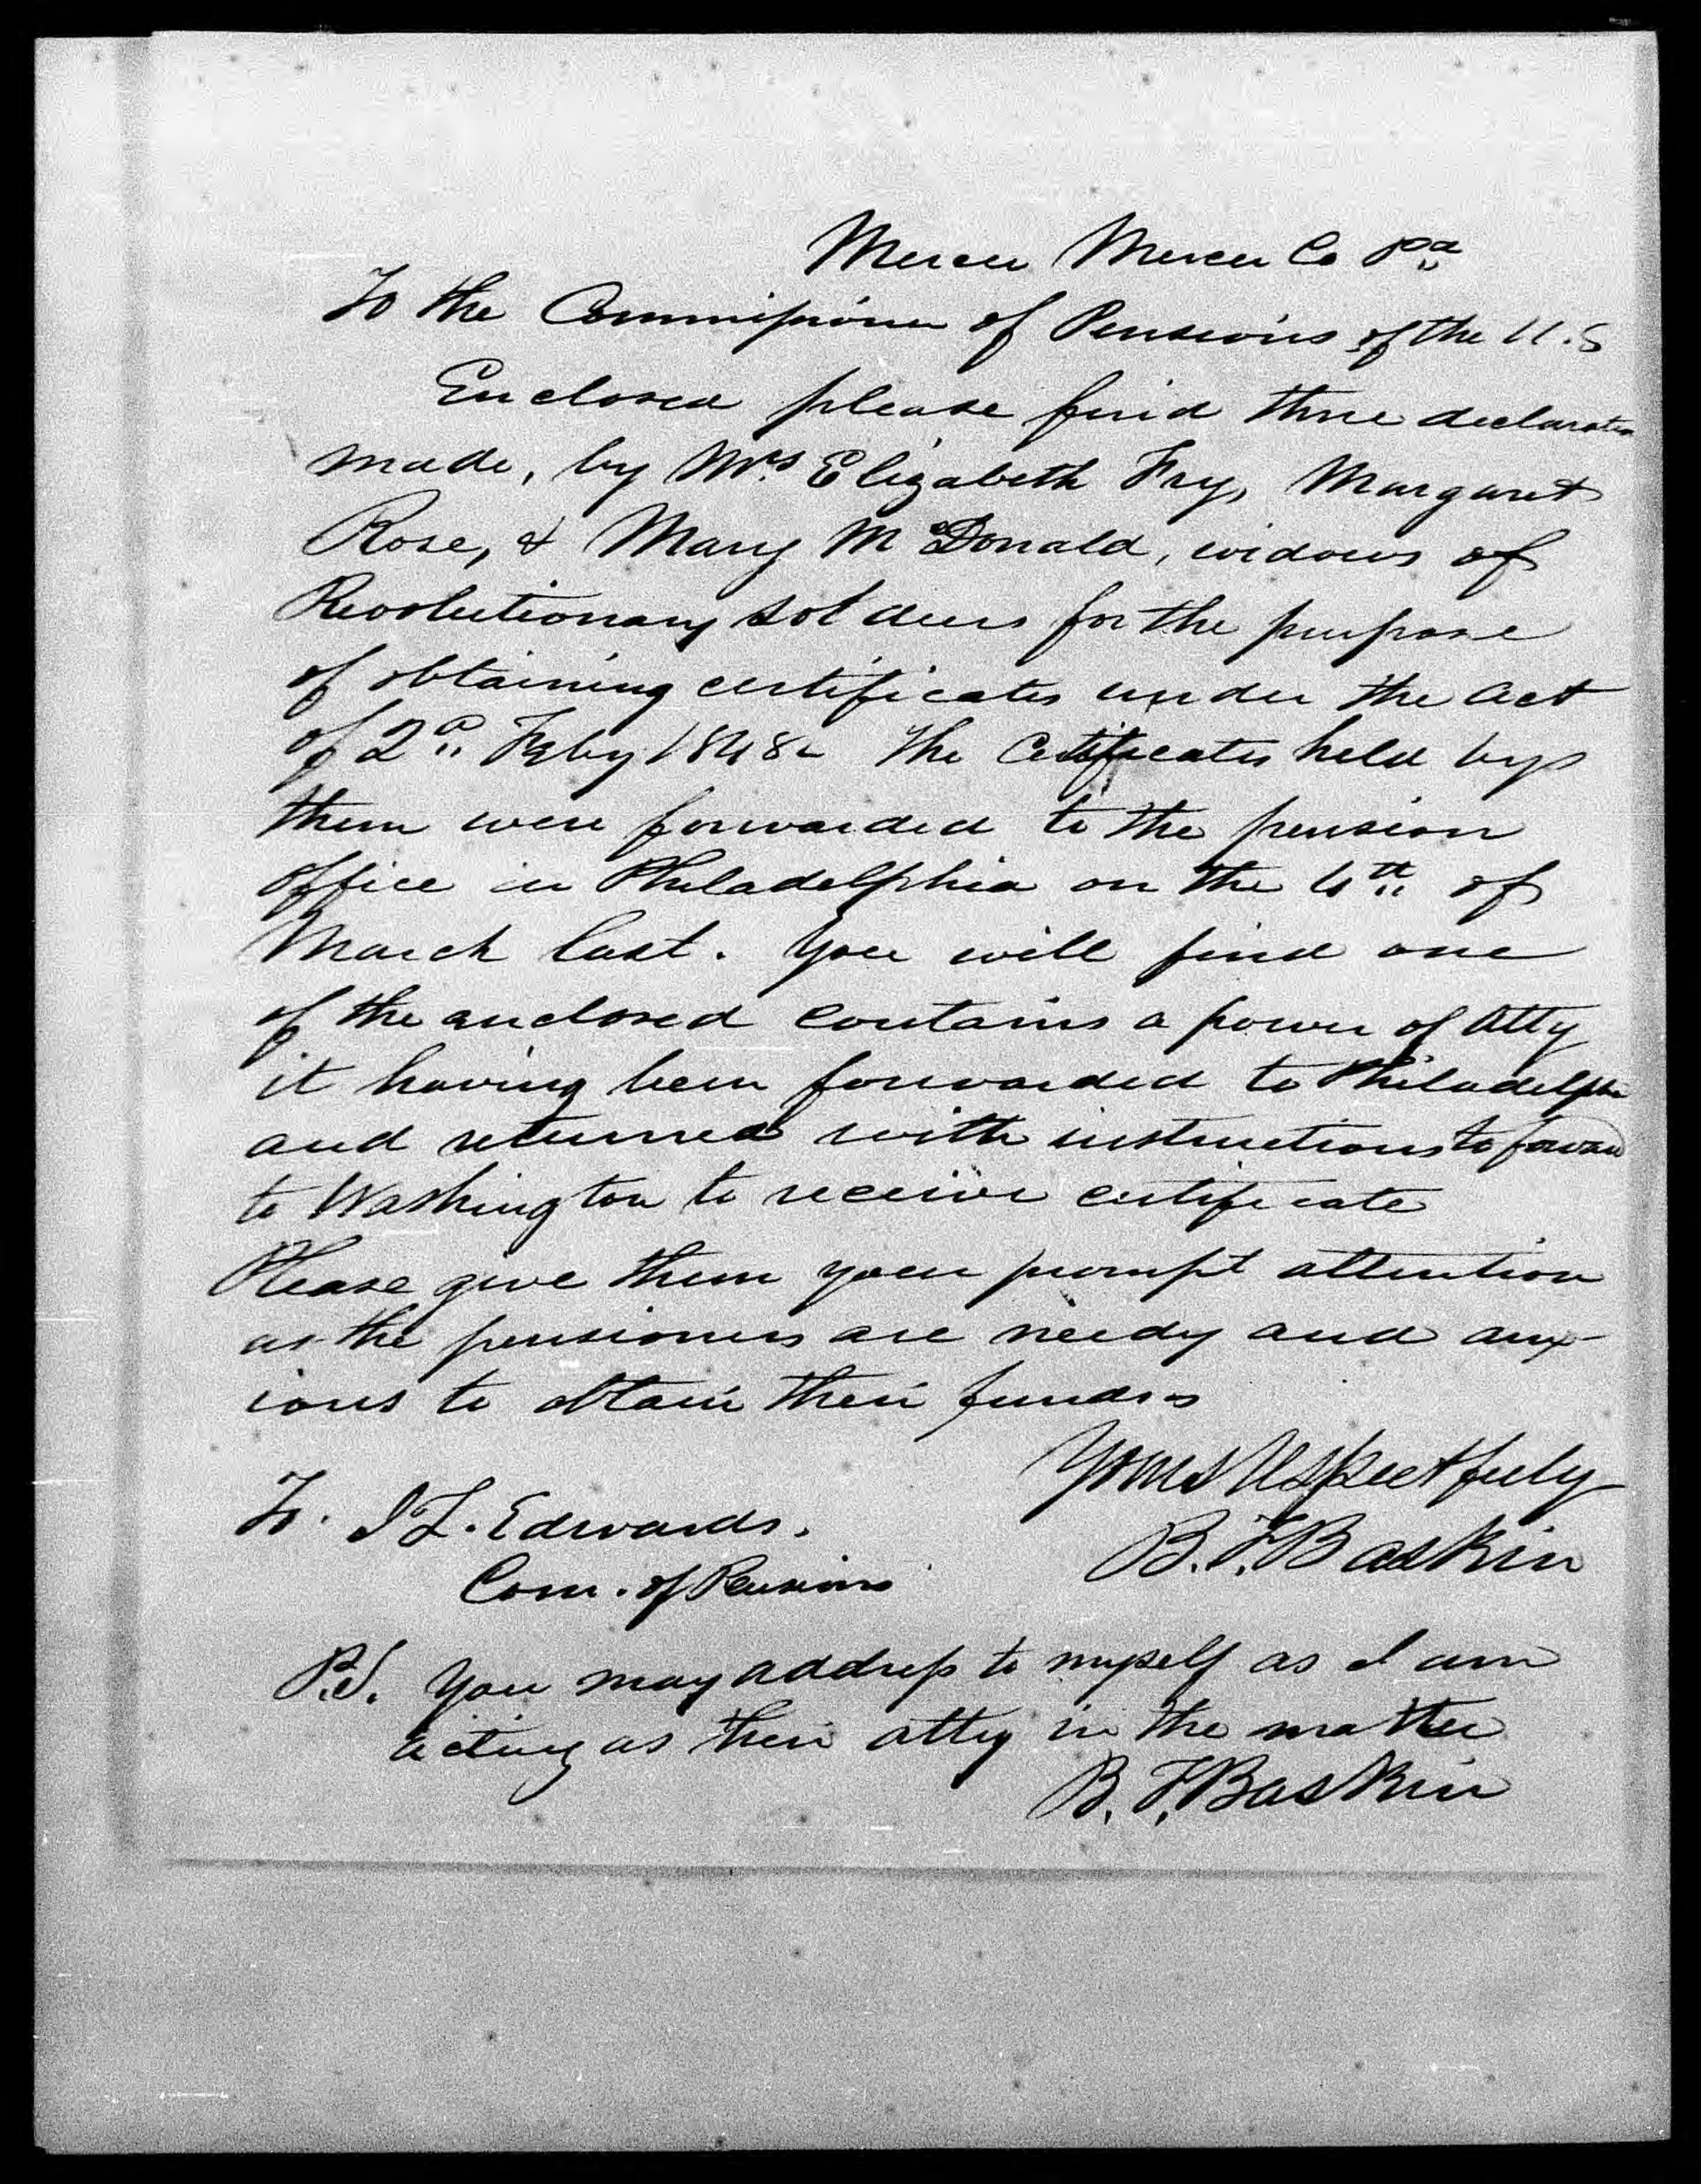Mercer Mercer Co Pa
To the commissioner of Pensions of the U.S 
Enclosed please find three declarations made, by Mrs. Elizabeth Fry, Margaret Rose and Mary McDonald, widows of Revolutionary soldiers for the purpose of obtaining certificates under the Act of 2nd February 1848. The Certificates held by them were forwarded to the pension office in Philadelphia on the 6th of March last. You will find one of the annexed contains a power of Atty it having been forwarded to Philadelphia and returned with instructions to forward to Washington to receive certificate. Please give them your prompt attention as the pensioners are needy and anxious to obtain their funds. Yours Respectfully BF Baskin
JL Edwards
Com. of Pensions
P.S. You May address to myself as I am acting as their atty in the matter
B.F. Baskin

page: 33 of 59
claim: widow's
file: W 3703, for Robert Mc Donald, Pennsylvania